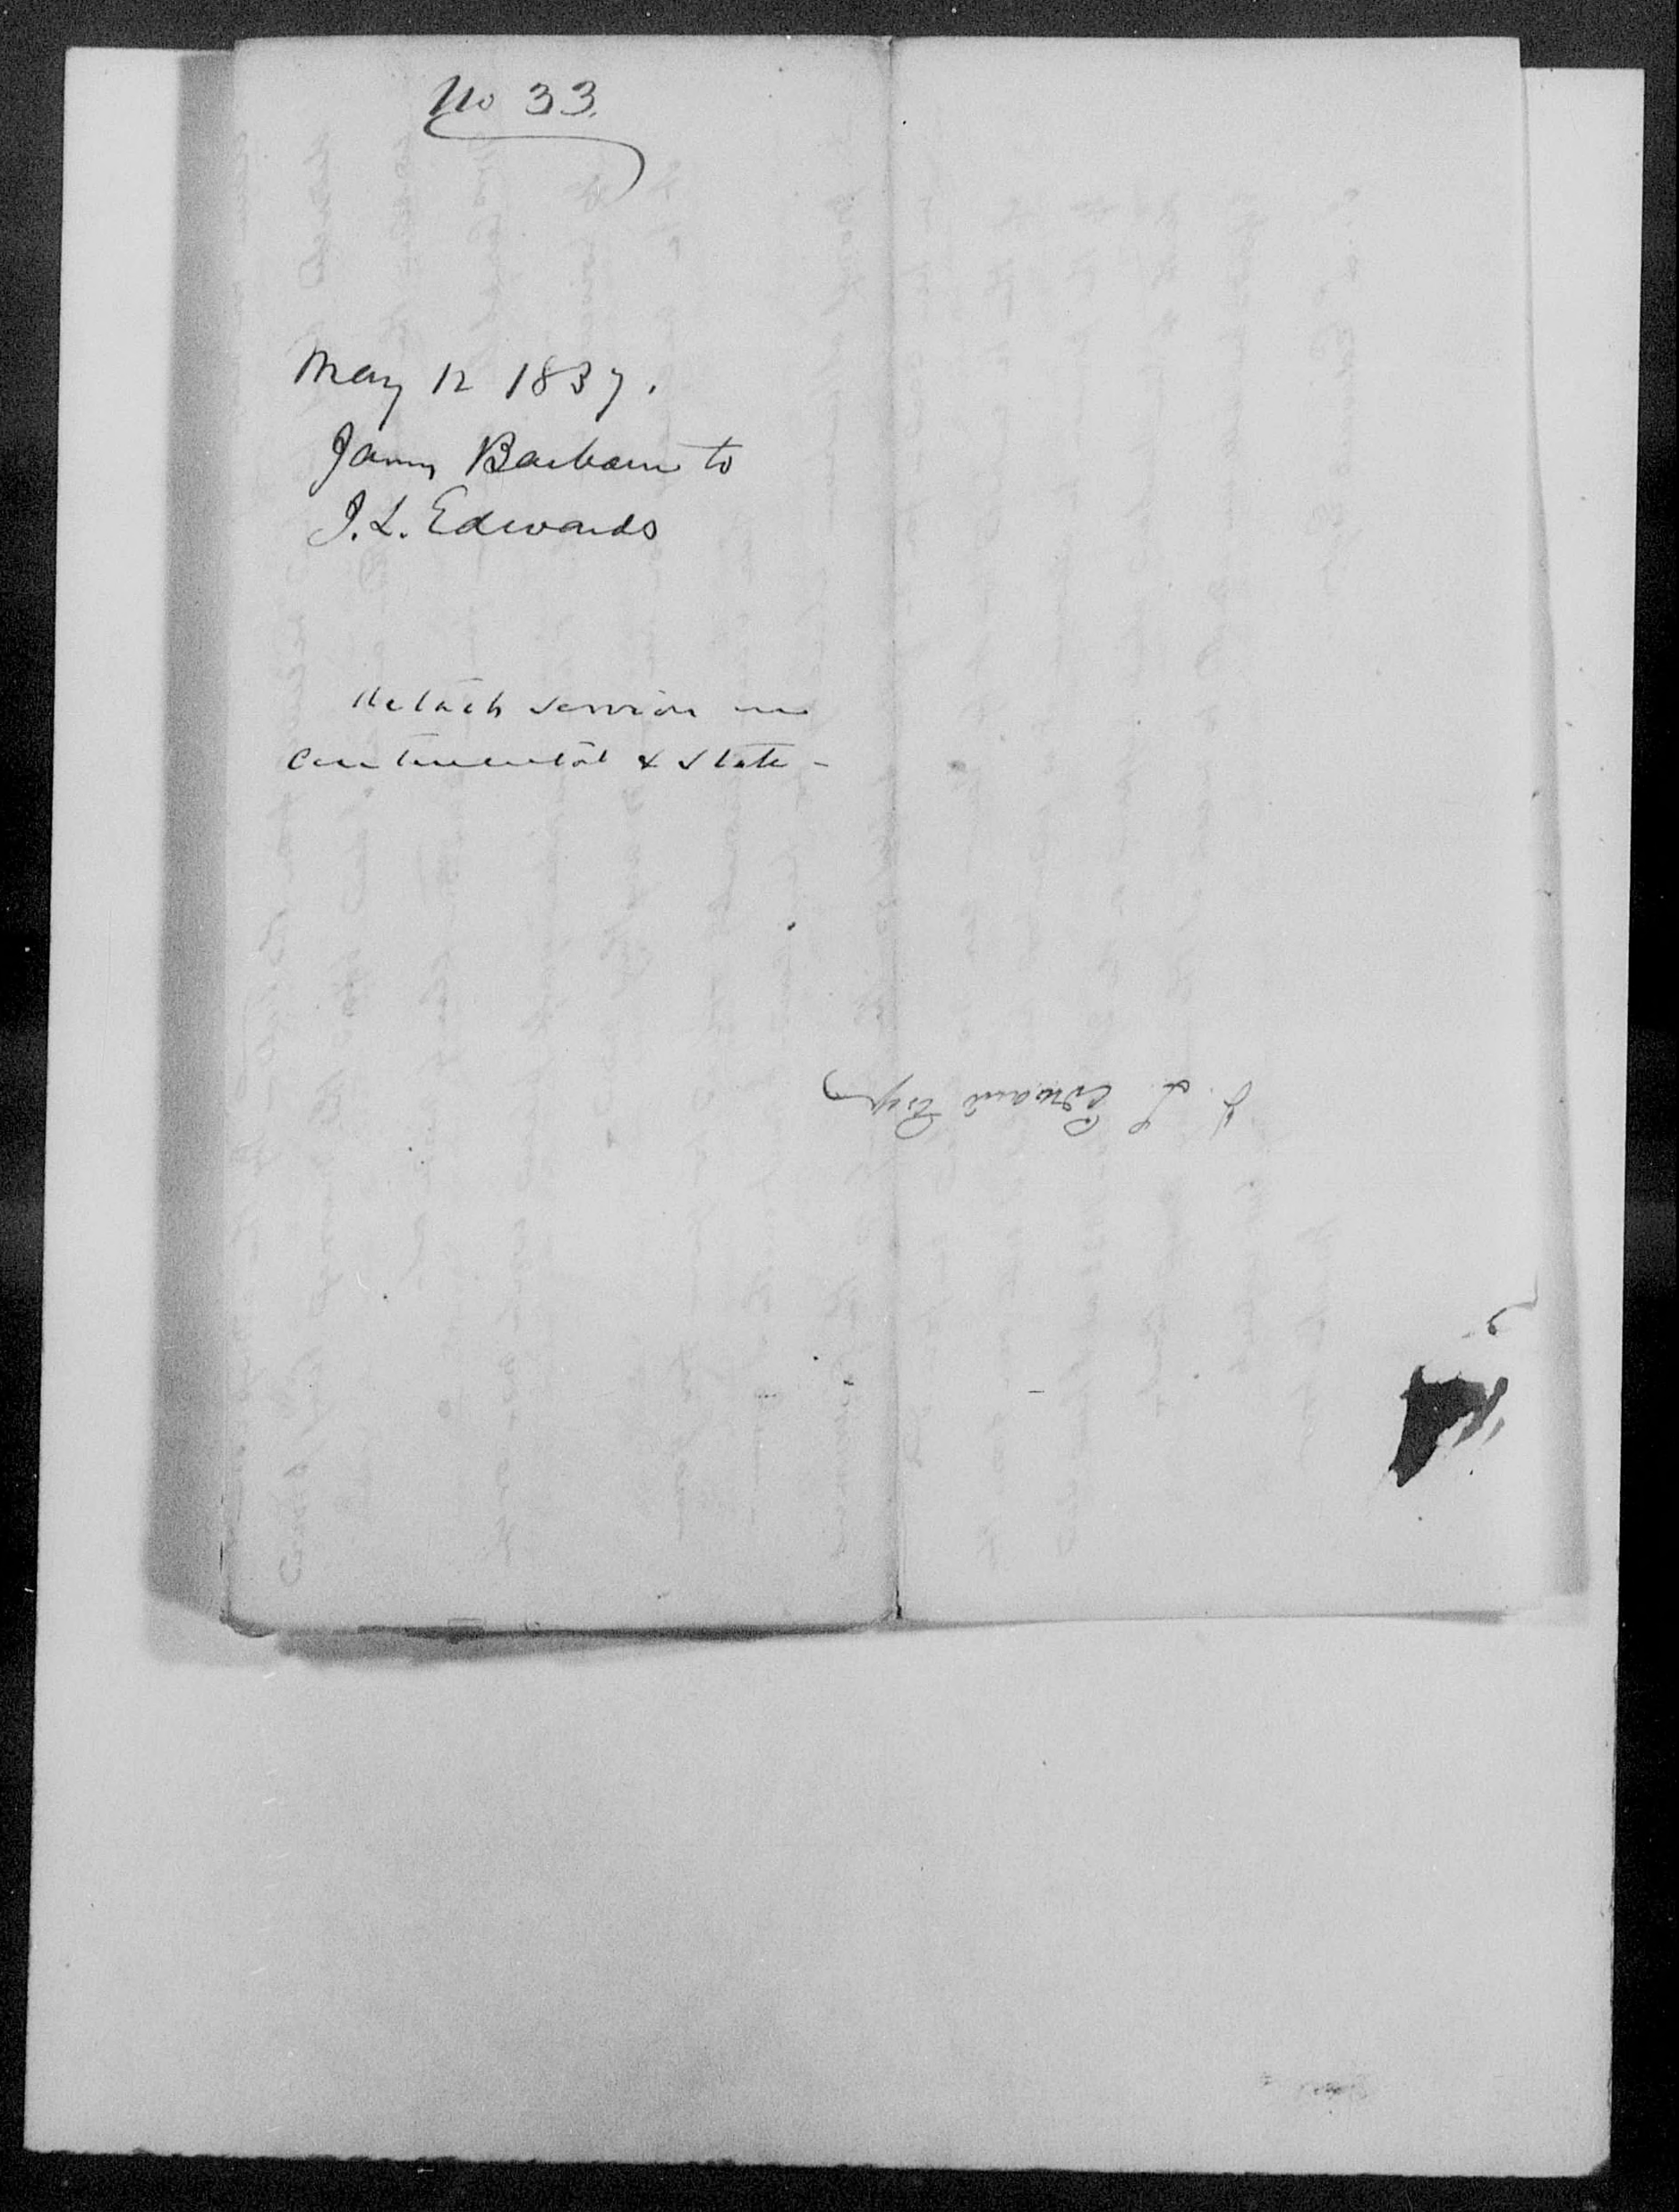No 33.

May 12 1837
James Barbour to J.L. Edwards


[illegible] service in Continental & State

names: J L Edwards, J L Edwards, James Barbour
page: 191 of 267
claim: widow's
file: W. 4,149, William Campbell, Va.